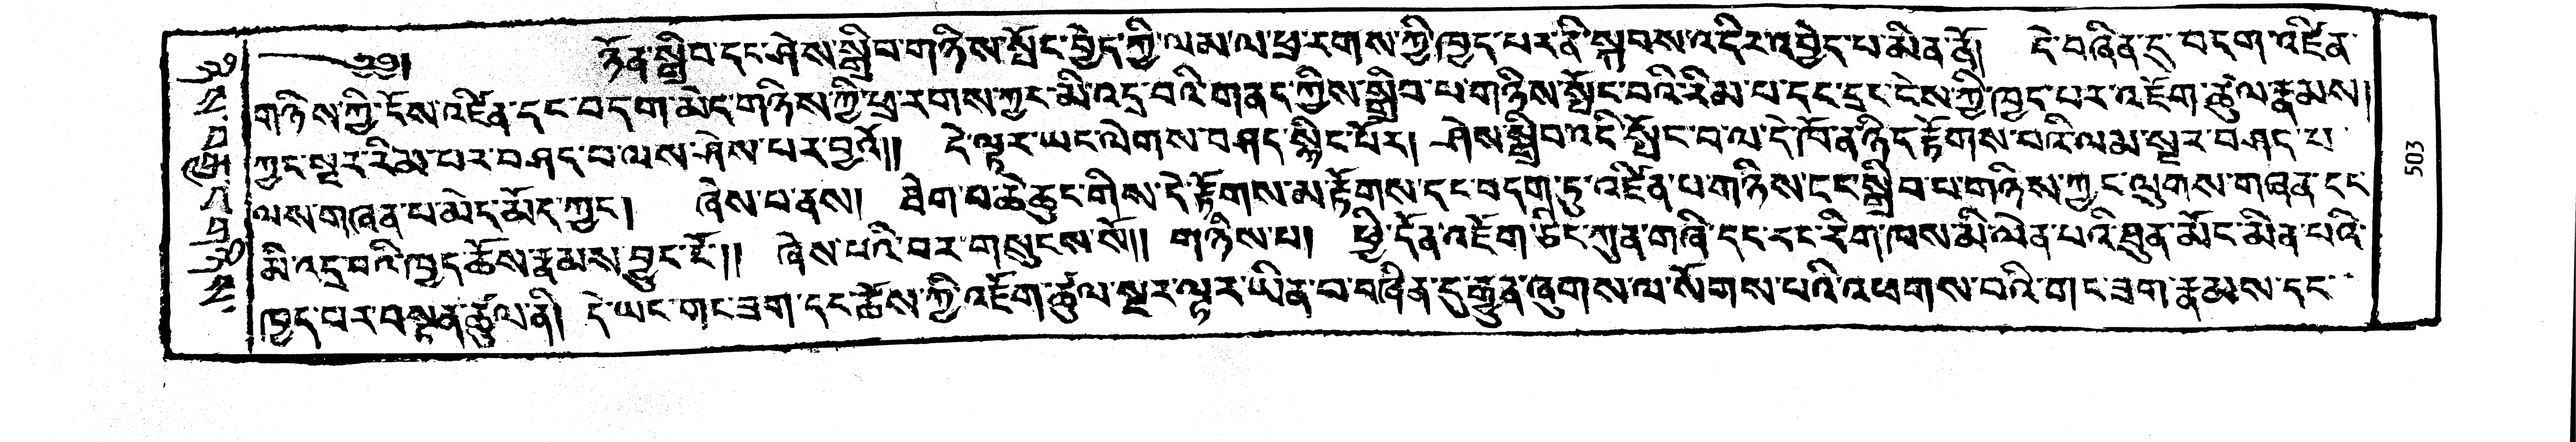༄༅། །ཉོན་སྒྲིབ་དང་ཤེས་སྒྲིབ་གཉིས་སྤོང་བྱེད་ཀྱི་ལམ་ལ་ཕྲ་རགས་ཀྱི་ཁྱད་པར་ནི་སྐབས་འདིར་འབྱེད་པ་མིན་ནོ། དེ་བཞིན་དུ་བདག་འཛིན་
གཉིས་ཀྱི་ངོས་འཛིན་དང་བདག་མེད་གཉིས་ཀྱི་ཕྲ་རགས་ཀྱང་མི་འདྲ་བའི་གནད་ཀྱིས་སྒྲིབ་པ་གཉིས་སྤོང་བའི་རིམ་པ་དང་དྲང་ངེས་ཀྱི་ཁྱད་པར་འཇོག་ཚུལ་རྣམས།
ཀྱང་སྔར་རིམ་པར་བཤད་པ་ལས་ཤེས་པར་བྱའོ། །དེ་ལྟར་ཡང་ལེགས་བཤད་སྙིང་པོར། ཤེས་སྒྲིབ་འདི་སྤོང་བ་ལ་དེ་ཁོ་ན་ཉིད་རྟོགས་པའི་ལམ་སྔར་བཤད་པ་
ལས་གཞན་པ་མེད་མོད་ཀྱང་། ཞེས་པ་ནས། ཐེག་པ་ཆེ་ཆུང་གིས་དེ་རྟོགས་མ་རྟོགས་དང་བདག་ཏུ་འཛིན་པ་གཉིས་དང་སྒྲིབ་པ་གཉིས་ཀྱང་ལུགས་གཞན་དང་
མི་འདྲ་བའི་ཁྱད་ཆོས་རྣམས་བྱུང་ངོ། །ཞེས་པའི་བར་གསུངས་སོ། །གཉིས་པ། ཕྱི་དོན་འཇོག་ཅིང་ཀུན་གཞི་དང་རང་རིག་ཁས་མི་ལེན་པའི་ཐུན་མོང་མིན་པའི་
ཁྱད་པར་བསྟན་ཚུལ་ནི། དེ་ཡང་གང་ཟག་དང་ཆོས་ཀྱི་འཇོག་ཚུལ་སྔར་ལྟར་ཡིན་པ་བཞིན་དུ་རྒྱུན་ཞུགས་ལ་སོགས་པའི་འཕགས་པའི་གང་ཟག་རྣམས་དང་